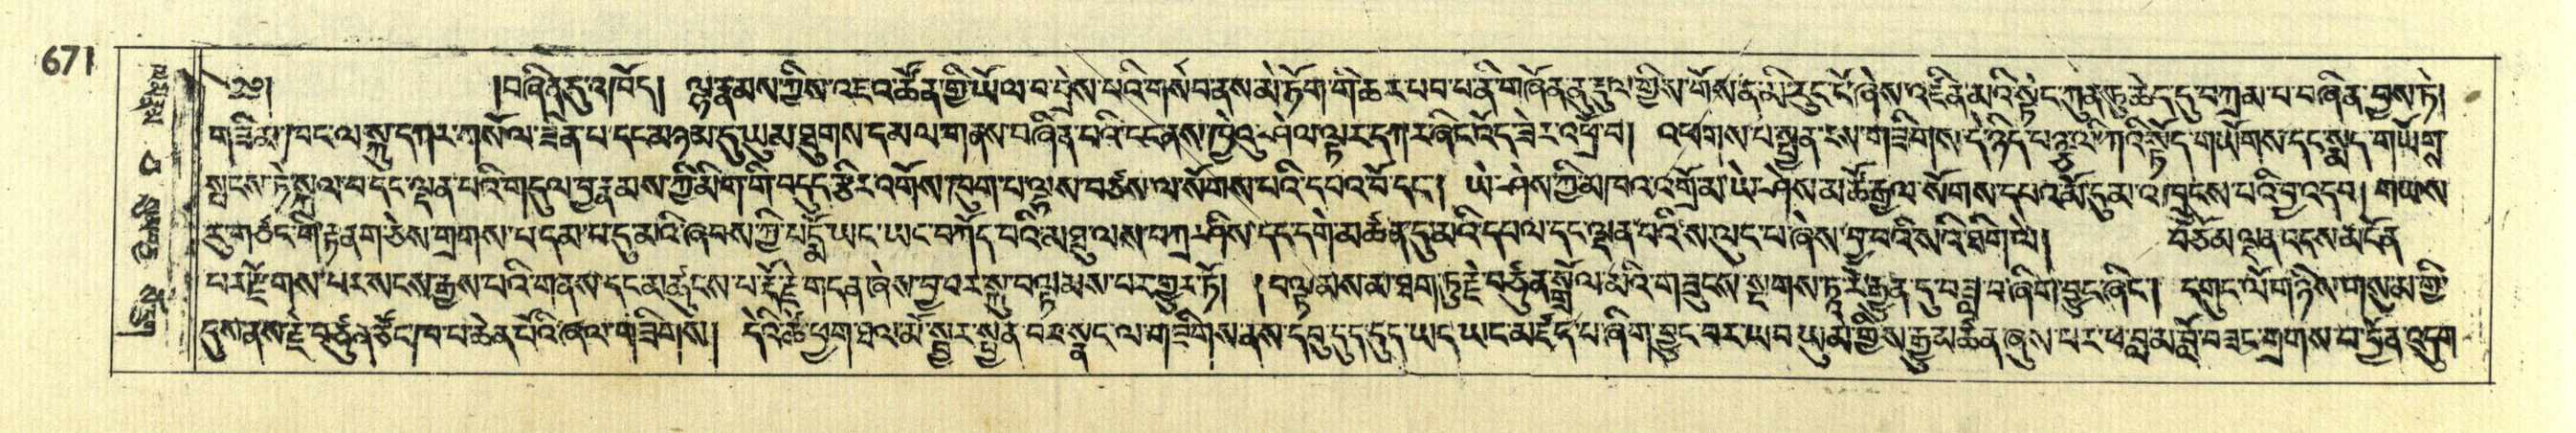༄༅། །བཞིན་དུ་འཁོད། ལྷ་རྣམས་ཀྱིས་འཇའ་ཚོན་གྱི་ཡོལ་བ་བྲེས་པའི་གསབ་ནས་མེ་ཏོག་གི་ཆར་བབ་པ་ནི་གཞོན་ནུ་རྡུལ་གྱིས་གོས་ན་མི་རུང་ངོ་ཞེས་འཛིན་མའི་སྟེང་ཀུན་ཏུ་ཆེད་དུ་བཀྲམ་པ་བཞིན་བྱས་ཏེ།
གཟིམ་ཁང་ལ་སྐུ་དཀར་གསོལ་ཟིན་པ་དང་མཉམ་དུ་ཡུམ་ཐུགས་དམལ་གནས་བཞིན་པའི་ངང་ནས་ཁྱེའུ་ཤེལ་ལྟར་དཀར་ཞིང་འོད་ཟེར་འཕྲོ་བ། འཕགས་པ་སྤྱན་རས་གཟིགས་དེ་ཉིད་པཉྩ་ལི་ཀའི་སྟོད་གཡོགས་དང་སྨད་གཡོགས་
སྤངས་ཏེ་སྐྲལ་བ་དང་ལྡན་པའི་གདུལ་བྱ་རྣམས་ཀྱི་མིག་གི་བདུད་རྩིར་འགོས་ཁུག་པ་ལྷས་བཙས་ལ་སོགས་པའི་དཔའ་བོ་དང་། ཡེ་ཤེས་ཀྱི་མཁའ་འགྲོ་མ་ཡེ་ཤེས་མཚོ་རྒྱལ་སོགས་དཔའ་མོ་དུ་མ་འཁྲུངས་པའི་བྱ་འདབ། གཡས་
རུ་གཙང་གི་རྟ་ནག་ཅེས་གྲགས་པ་དམ་པ་དུ་མའི་ཞབས་ཀྱི་པདམོ་ཡང་ཡང་བཀོད་པའི་མཐུ་ལས་བཀྲ་ཤིས་དང་དགེ་མཚན་དུ་མའི་དཔལ་དང་ལྡན་པའི་ས་ལུང་པ་ཞེས་བྱ་བའི་སའི་ཐིག་ལེ། བཅོམ་ལྡན་འདས་མངོན་
པར་རྫོགས་པར་སངས་རྒྱས་པའི་གནས་དང་མཚུངས་པ་རྡོ་རྗེ་གདན་ཞེས་བྱ་བར་སྐུ་བལྟམས་པར་གྱུར་ཏོ། །བལྟམས་མ་ཐག་ཏུ་རྗེ་བཙུན་སྒྲོལ་མའི་གཟུངས་སྔགས་ཏཱ་རེ་རྒྱུན་དུ་བཟླ་བ་ཞིག་བྱུང་ཞིང་། དགུང་ལོ་གཉིས་གསུམ་གྱི་
དུས་ནས་རྗེ་བཙུན་ཙོང་ཁ་པ་ཆེན་པོའི་ཞལ་གཟིགས། དེའི་ཚེ་ཕྱག་ཐལ་མོ་སྦྱར་སྤྱན་བར་སྣང་ལ་གཟིགས་ནས་དབུ་དུད་དུད་ཡང་ཡང་མཛད་པ་ཞིག་བྱུང་བར་ཡབ་ཡུམ་གྱིས་རྒྱུ་མཚན་ཞུས་པར་ཕ་བླ་མ་བློ་བཟང་གྲགས་པ་བྱོན་འདུག་